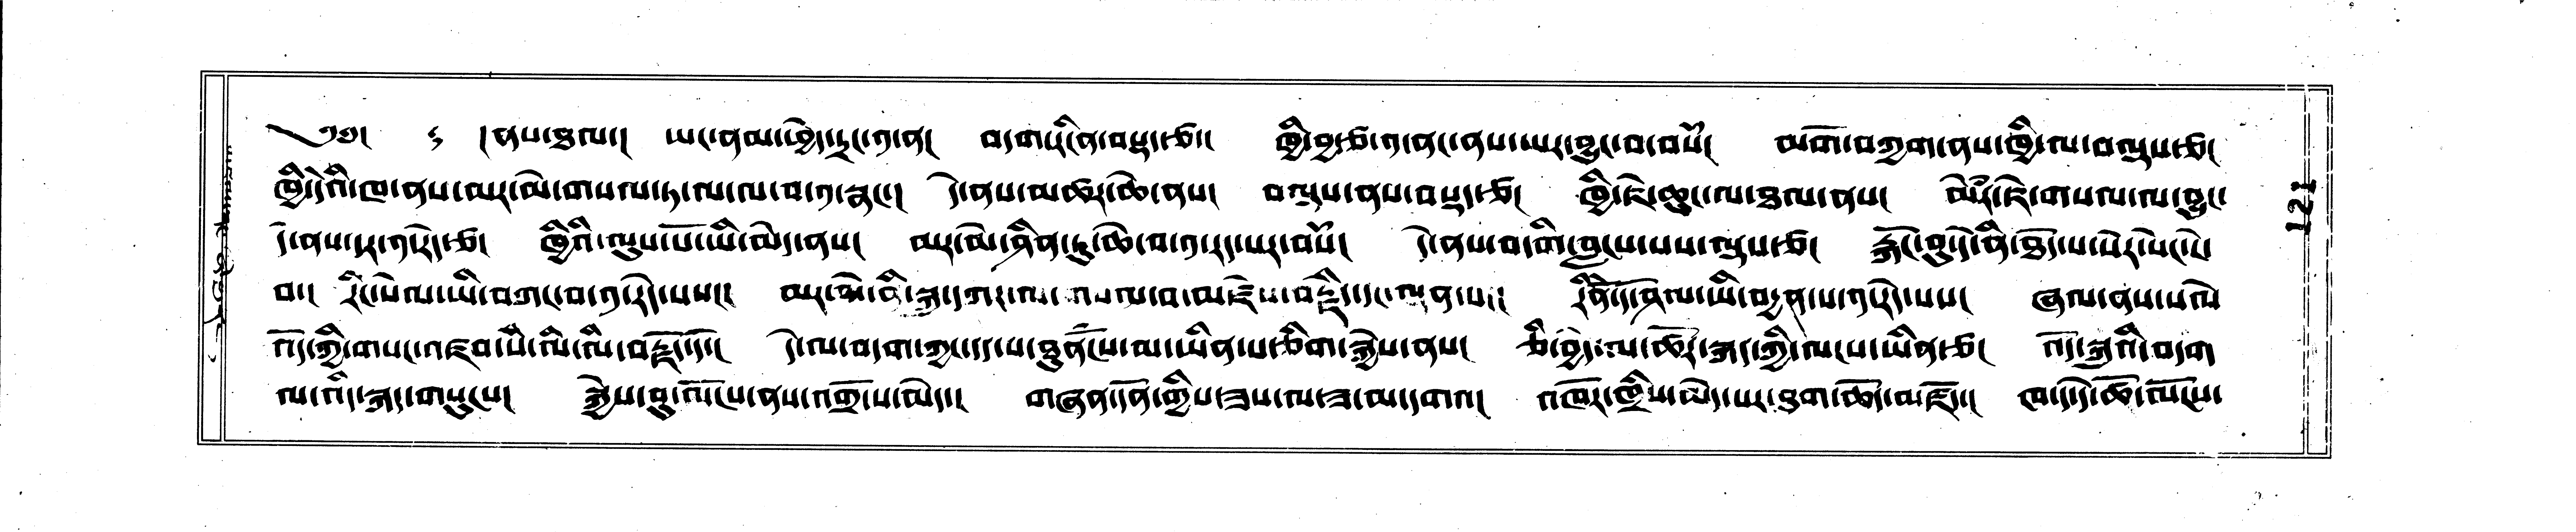ནས་ཐལ། ཡང་ནམ་ཕྱེད་དྲང་གཅིག་ན། བདག་རང་བཞིན་བསྡད་ཙ། ཁྱི་བྱ་ཙ་གཅིག་ནང་ནས་ཡར་བྱུང་བ་བསམ། མགོ་བཀྱག་ནས་ཁྱི་ལ་བལྟས་ཙ། 
ཁྱི་དེའི་ཁ་ནས་མར་མེ་གསལ་ཏ་ལ་ལ་བ་ཞིག་སྣང་། དེ་ནས་མཚར་ཆེ་ནས་བལྟས་ནས་བསྡད་ཙ། ཁྱི་ཇེ་ཆུང་ལ་ཐལ་ནས། མར་མེ་ཇེ་གསལ་ལ་བྱུང་
དེ་ནས་དར་གཅིག་རེད་ཙ། ཁྱིའི་ལུས་པོ་ཡེ་མེད་ནས། མར་མེ་ཤིན་ཏུ་ཆེ་བ་གཅིག་རེད་པར་བསམ། དེ་ནས་བདག་གི་བླངས་པས་བལྟས་ཙ། རྐོང་བུ་དེ་ནི་ཐོད་པ་སེར་སེང་ངེ་
བ། རིང་བསེལ་ཡིས་བཀང་བ་གཅིག་རེད་པས། མར་མེ་ནི་སྐུ་དཀར་ལ་གསལ་བ་མཛེས་བརྗིད་དང་ལྡན་པ། རིན་ཆེན་དོ་ཤལ་ཡིས་བརྒྱན་པ་གཅིག་རེད་པས། ཞལ་ནས་སལེ་
འོད་ཀྱི་གསང་འཛབ་སི་ལི་ལི་བརྗོད་དོ། དེ་ལ་བདག་ཀྱང་དད་པ་ཐུན་མོང་མ་ཡིན་པ་ཅིག་སྐྱེས་ནས། ཅི་བྱེད་མ་ཚོར་སྐད་ཀྱིས་ལངས་ཡིན་ཙ། འོད་སྐུའི་བདག་
ལ་འདི་སྐད་གསུངས། སྐྱེས་བུ་ལོངས་ནས་འགྲོ་ས་མེད། གཞན་དོན་གྱིས་ཟས་ལ་ཟ་མ་དགའ། འཁོར་ཁྲིས་མེད་པར་ཐག་ཆོད་མཛོད། ཁ་ད་དེ་ཚོ་ལོངས་